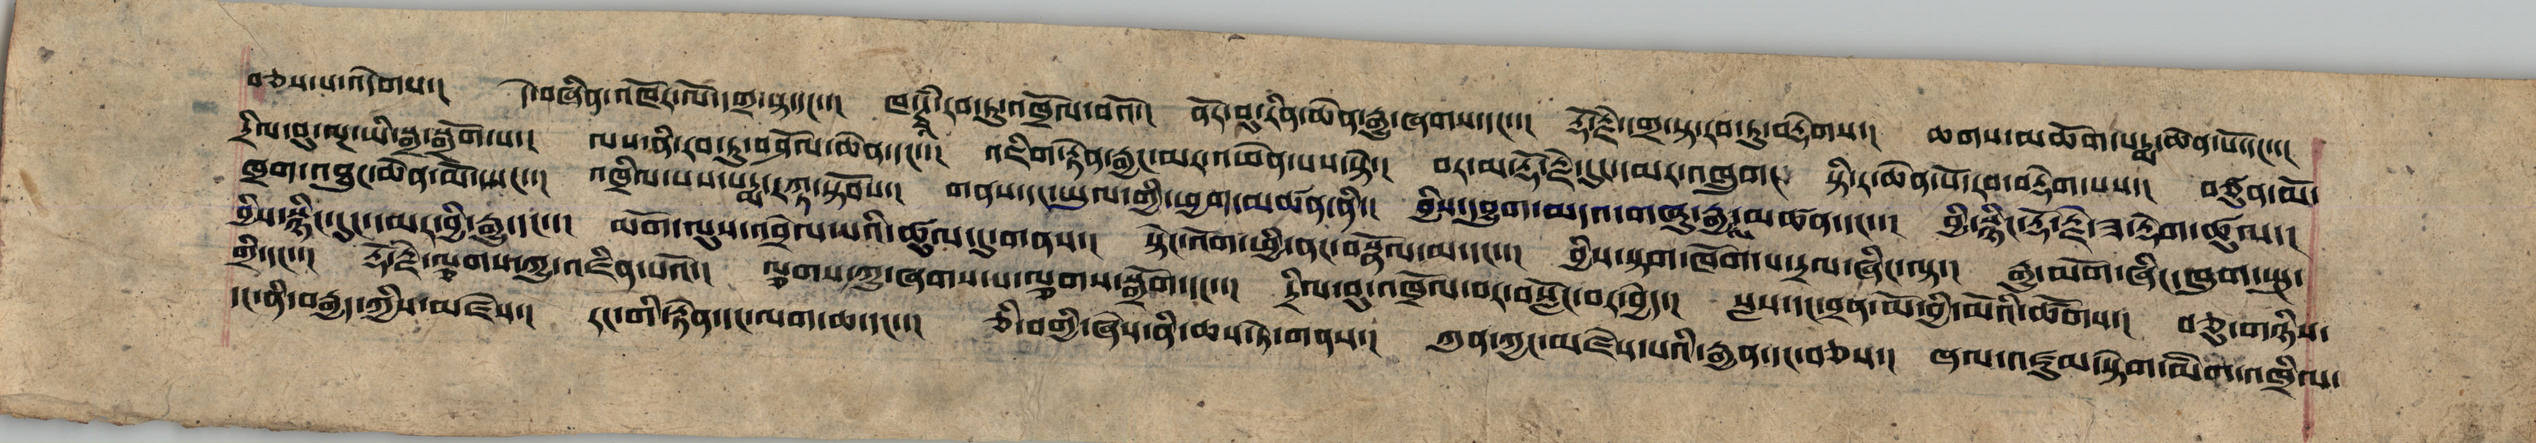བཅས་པ་འདེགས་། དེ་བཞིན་འཁོར་ལོ་དགྲ་སྟ་དང་་། ཁ་ཊྭཾ་རབ་ཏུ་འཁྲོལ་བའོ་། ནོར་བུ་རིན་ཆེན་རྒྱུ་ཞགས་དང་་། རྡོ་རྗེ་དགྲ་སྟ་རབ་ཏུ་བརྡེགས་། ཆགས་མཆོག་པདྨ་ཆེན་པོ་དང་་།
དྲིལ་བུ་ལྔ་ཡི་སྒྲ་སྒྲོག་པ་། ལས་ནི་རབ་ཏུ་བཤོལ་ཆེན་དང་་། འཇིག་རྟེན་རྒྱང་མར་འཕེན་པས་སྟེ་། བར་མ་རྡོ་རྗེ་དུང་དམར་འཁྲུག། སྟི་ར་ཆེན་པོ་རབ་བརྡེག་པས་། བཙུན་མོ་
ཁྲག་འཐུང་ཆེན་མོ་ཡང་་། འཁྲིལ་པས་པདྨ་རཀྟ་སྟོབས་། གནས་དང་ཡུལ་གྱི་ཕྱག་མཚན་ནི་། བྱིས་དབྱུག་མདའ་གཞུ་རྒྱལ་མཚན་དང་་། བྱི་སྙིང་རྡོ་རྗེ་ཟ་རྡེག་ཚུལ་།
བྱིས་སྙིང་དུང་དམར་བྱི་རྒྱུ་དང་་། མགོ་ལུས་འབྲེལ་པའི་ཚུལ་དུ་གནས་། སྟེང་འོག་ཕྱི་ནང་བསྣོལ་མ་དང་་། བྱིས་སྟག་ཁོག་པ་དྲལ་ཞིང་ལྟ་། རྒྱུ་མགོ་ཞིང་ཁུག་སྤུ་
གྲི་དང་་། རྡོ་རྗེ་ལྕགས་ཀྱུ་འཛིན་པའོ་། ལྕགས་ཀྱུ་ཞགས་པ་ལྕགས་སྒྲོག་དང་་། དྲིལ་བུ་འཁྲོལ་བར་བསློང་བར་བྱེད་། སླས་དང་བྲན་མོ་བྱི་མོའི་ཚོགས་། བཅུ་གཉིས་
དང་ནི་བརྒྱད་ཀྱིས་མཛེས་། རང་གི་རྟེན་དང་ལག་ཆ་དང་་། ཅི་བགྱི་ཞེས་ནི་ཆས་ཏེ་གནས་། ཀུན་ཀྱང་མཛེས་པའི་རྒྱན་དང་བཅས་། ཞལ་འཛུམ་སྟེག་མིག་འཁྲིལ་